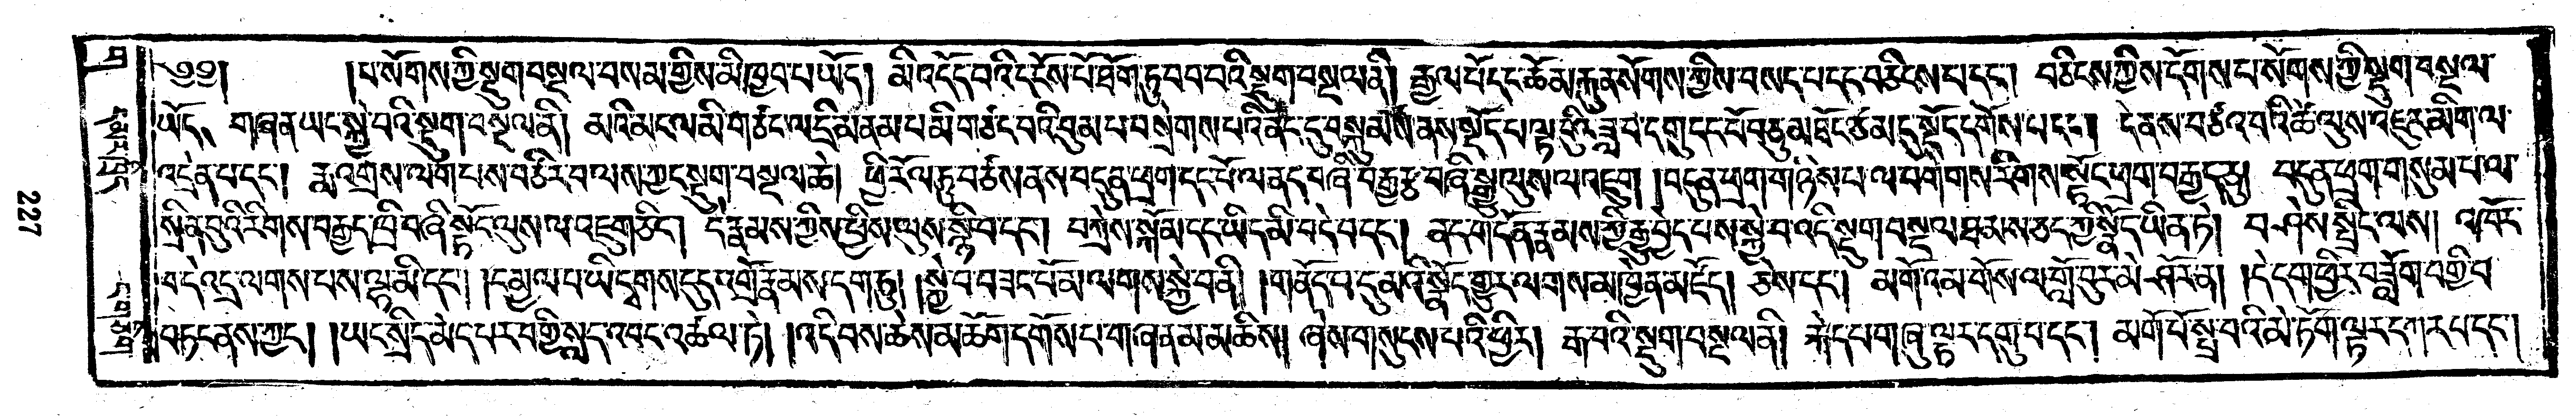༄༅། །པ་སོགས་ཀྱི་སྡུག་བསྔལ་བསམ་གྱིས་མི་ཁྱབ་པ་ཡོད། མི་འདོད་བའི་དངོས་པོ་ཐོག་ཏུ་བབ་བའི་སྡུག་བསྔལ་ནི། རྒྱལ་པོ་དང་ཆོམ་རྐུན་སོགས་ཀྱིས་བསད་པ་དང་བཅིངས་པ་དང་། བཅིངས་ཀྱིས་དོགས་པ་སོགས་ཀྱི་སྡུག་བསྔལ་
ཡོད༑ གཞན་ཡང་སྐྱེ་བའི་སྡུག་བསྔལ་ནི། མའི་མངལ་མི་གཙང་ལ་དྲི་མནམ་པ་མི་གཙང་བའི་བུམ་པ་བསྲེགས་པའི་ནང་དུ་བསྐུམ་སོ་ནས་སྡོད་པ་ལྟ་བུའི་ཟླ་བ་དགུ་དང་པོ་བཅུ་མཐོང་ཙམ་དུ་སྡོད་དགོས་པ་དང་། དེ་ནས་བཙའ་བའི་ཚེ་ལུས་འཇུར་མིག་ལ་
འདྲེན་པ་དང་། རྨ་འགྲས་ལག་པས་བཙིར་བ་ལས་ཀྱང་སྡུག་བསྔལ་ཆེ། ཕྱི་རོལ་ཏུ་བཙས་ནས་བདུན་ཕྲག་དང་པོ་ལ་ནད་བཞི་བརྒྱ་རྩ་བཞི་སྒྱུ་ལུས་ལ་འཇུག །བདུན་ཕྲག་གཉིས་པ་ལ་བགེགས་རིགས་སྟོང་ཕྲག་བརྒྱད་ཅུ། བདུན་ཕྲག་གསུམ་པ་ལ་
སྲིན་བུའི་རིགས་བརྒྱད་ཁྲི་བཞི་སྟོང་ལུས་ལ་འཇུག་ཅིང་། དེ་རྣམས་ཀྱིས་ཕྱིས་ལུས་སྙི་བ་དང་། བཀྲེས་སྐོམ་དང་ཡིད་མི་བདེ་བ་དང་། ནད་གདོན་རྣམས་ཀྱི་རྒྱུ་བྱེད་པས་སྐྱེ་བ་འདི་སྡུག་བསྔལ་ཐམས་ཅད་ཀྱི་སྣོད་ཡིན་ཏེ། བཤེས་སྤྲིང་ལས། འཁོར་
བ་དེ་འདྲ་ལགས་པས་ལྷ་མི་དང་། །དམྱལ་པ་ཡི་དྭགས་དུད་འགྲོ་རྣམས་དག་ཏུ། །སྐྱེ་བ་བཟང་པོ་མ་ལགས་སྐྱེ་བ་ནི། །གནོད་བ་དུ་མའི་སྣོད་གྱུར་ལགས་མཁྱེན་མཛོད། ཅེས་དང་། མགོ་འམ་གོས་ལ་གློ་བུར་མེ་ཤོར་ན། །དེ་དག་ཕྱིར་བཟློག་བགྱི་བ་
བཏང་ནས་ཀྱང་། །ཡང་སྲིད་མེད་པར་བགྱི་སླད་འབང་འཚལ་ཏེ། །འདི་བས་ཆེས་མཆོག་དགོས་པ་གཞན་མ་མཆིས། ཞེས་གསུངས་པའི་ཕྱིར། རྒ་བའི་སྡུག་བསྔལ་ནི། རྐེད་པ་གཞུ་ལྟར་དགུ་པ་དང་། མགོ་པོ་སྤྲ་བའི་མེ་ཏོག་ལྟར་དཀར་པོ་དང་།